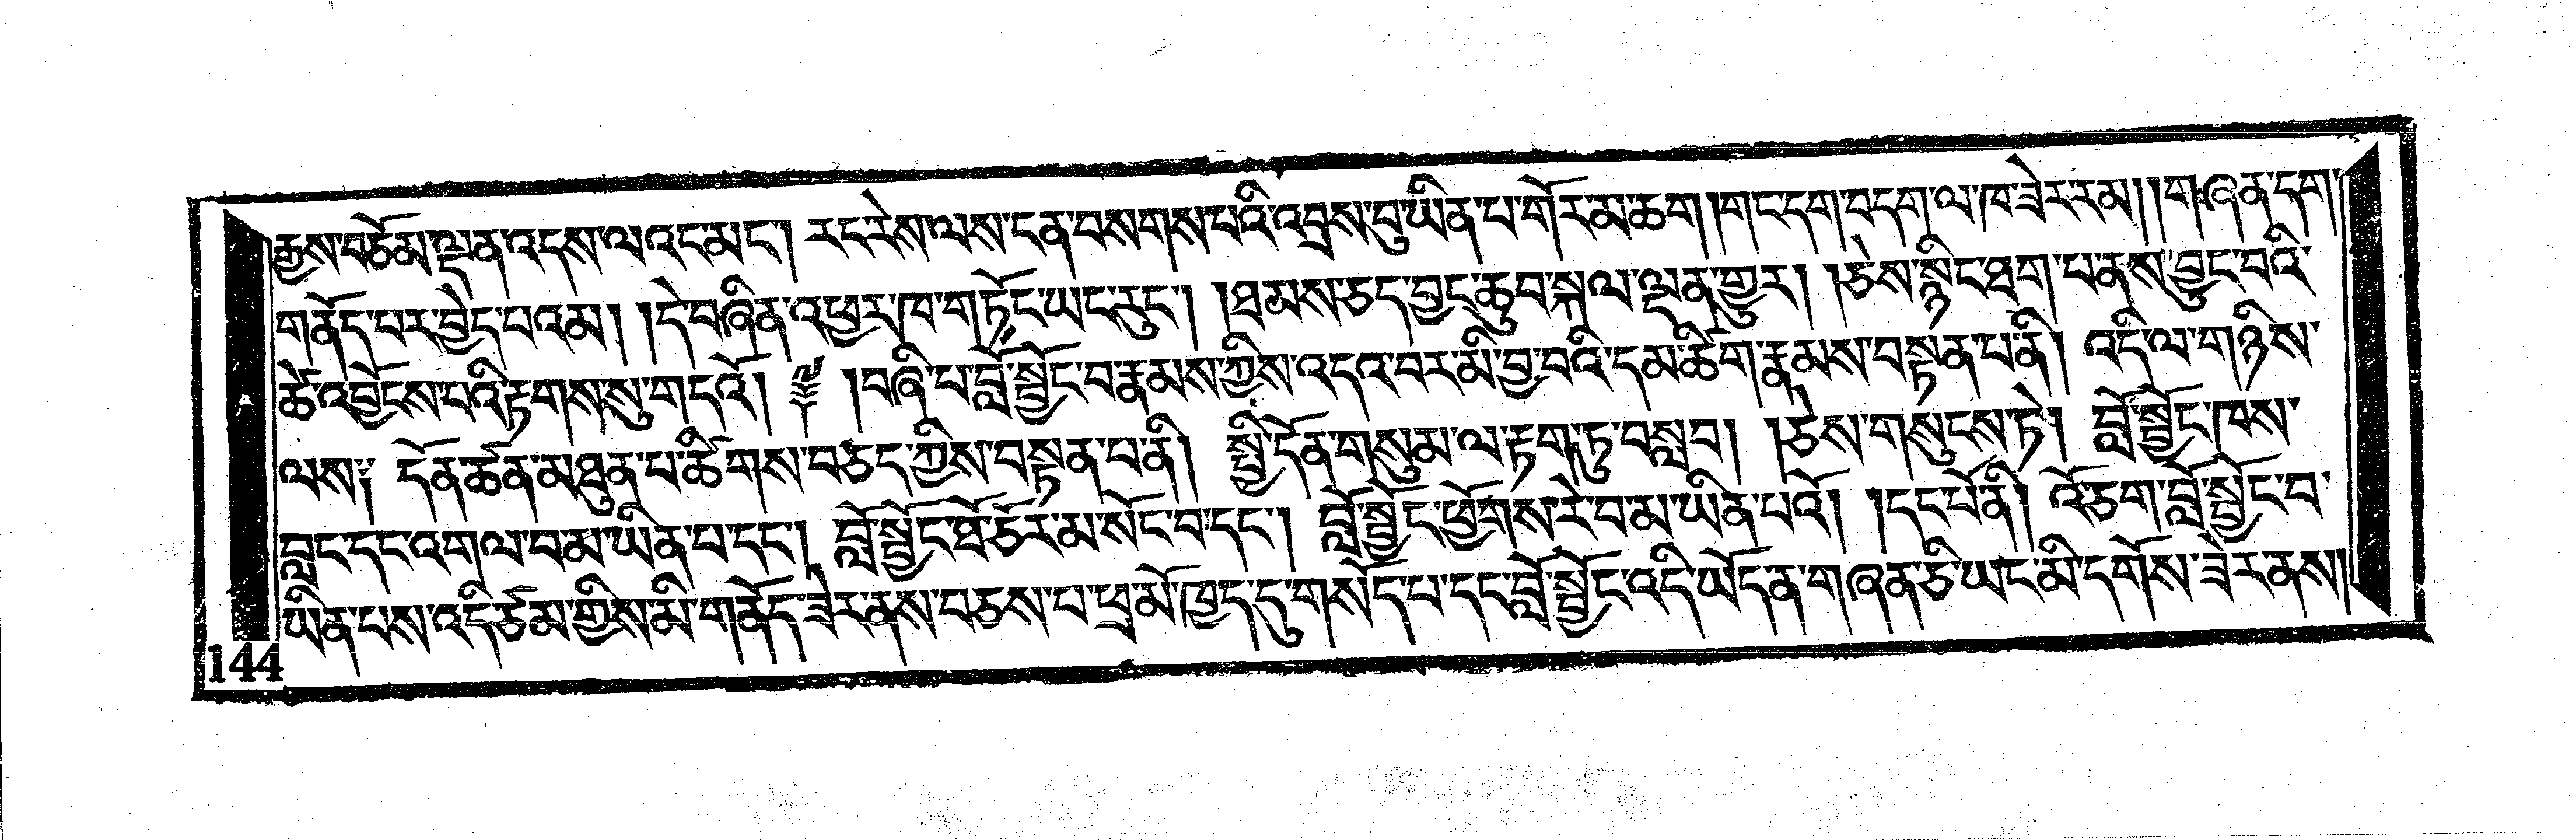རྒྱས་བཅོམ་ལྡན་འདས་ལའང་མང་། རང་རེས་ལས་ངན་བསགས་པའི་འབྲས་བུ་ཡིན་པ་གོར་མ་ཆག །གང་དག་བདག་ལ་ཁ་ཟེར་རམ། །གཞན་དག་
གནོད་པར་བྱེད་པའམ། །དེ་བཞིན་འཕྱར་ཁ་གཏོང་ཡང་རུང་། །ཐམས་ཅད་བྱང་ཆུབ་སྐལ་ལྡན་གྱུར། །ཅེས་སྙིང་ཐག་པ་ནས་བྱུང་བའི་
ཚེ་འབྱོངས་པའི་རྟགས་སུ་གདའོ། ༈ །བཞི་པ་བློ་སྦྱོང་བ་རྣམས་ཀྱིས་འདའ་བར་མི་བྱ་བའི་དམ་ཚིག་རྣམས་བསྟན་པ་ནི། འདི་ལ་གཉིས་
ལས༑ དོན་ཚན་མཐུན་པ་ཚིགས་བཅད་ཀྱིས་བསྟན་པ་ནི། སྤྱི་དོན་གསུམ་ལ་རྟག་ཏུ་བསླབ། །ཅེས་གསུངས་ཏེ། བློ་སྦྱོང་ཁས་
བླང་དང་འགལ་བ་མ་ཡིན་པ་དང་། བློ་སྦྱོང་ཐོ་ཙོར་མ་སོང་བ་དང་། བློ་སྦྱོང་ཕྱོགས་རེ་བ་མ་ཡིན་པའོ། །དང་པོ་ནི། འོ་ཅག་བློ་སྦྱོང་བ་
ཡིན་པས་འདི་ཙམ་གྱིས་མི་གནོད་ཟེར་ནས་བཅས་པ་ཕྲ་མོ་ཁྱད་དུ་གསོད་པ་དང་བློ་སྦྱོང་འདི་ཡོད་ན་གཞན་ཅི་ཡང་མི་དགོས་ཟེར་ནས།